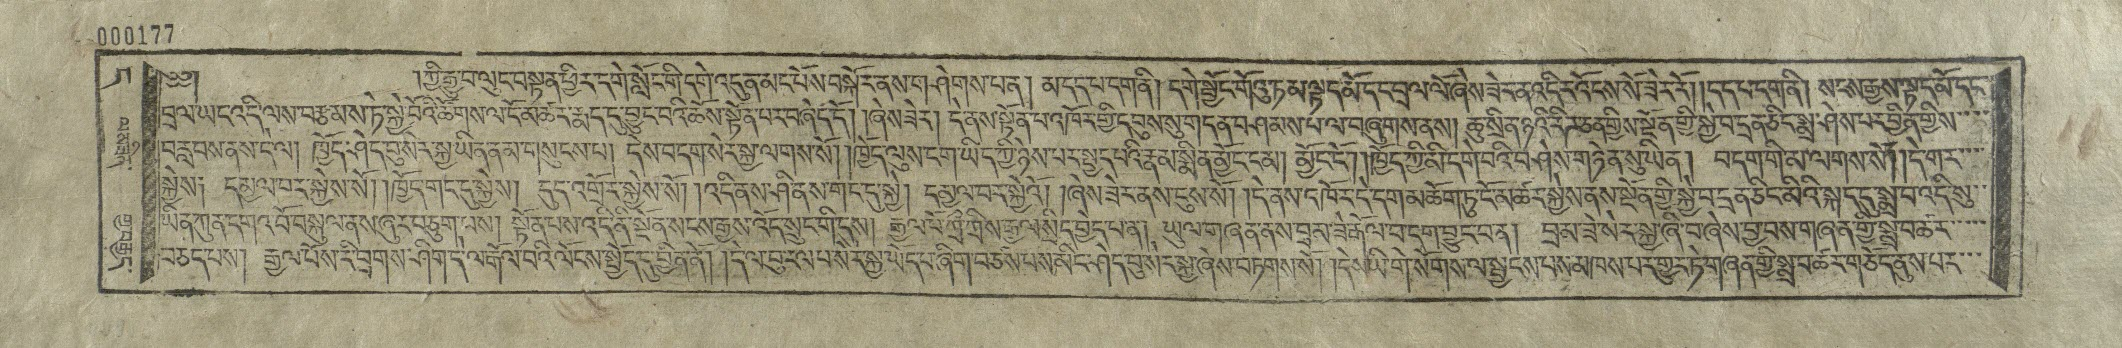༄༅། །ཀྱི་རྒྱུ་བ་ལུང་བསྟན་ཕྱིར་དགེ་སློང་གི་དགེ་འདུན་མང་པོས་བསྐོར་ནས་གཤེགས་པ་ན། མ་དད་པ་དག་ནི། དགེ་སྦྱོང་གོའུ་ཏམ་ལྟད་མོ་དང་བྲལ་ལོ་ཞེས་ཟེར་ན་འདིར་འོངས་སོ་ཟེར་རོ། །དད་པ་དག་ནི། སངས་རྒྱས་ལྟད་མོ་དང་
བྲལ་ཡང་འདི་ལས་བརྩམས་ཏེ་སྐྱེ་བོའི་ཚོགས་ལ་ངོ་མཚར་རྨད་དུ་བྱུང་བའི་ཆོས་སྟོན་པར་བཞེད་དོ། །ཞེས་ཟེར། དེ་ནས་སྟོན་པ་འཁོར་གྱི་དབུས་སུ་གདན་བཤམས་པ་ལ་བཞུགས་ནས། ཆུ་སྲིན་ཉའི་རིཌ་ཅན་གྱིས་སྔོན་གྱི་སྐྱེ་བ་དྲན་ཅིང་སྨྲ་ཤེས་པར་བྱིན་གྱིས་
བརླབས་ནས་དེ་ལ། ཁྱོད་ཤེད་བུ་སེར་སྐྱ་ཡིན་ནམ་གསུངས་པ། དེས་བདག་སེར་སྐྱ་ལགས་སོ། །ཁྱོད་ལུས་ངག་ཡིད་ཀྱི་ཉེས་པར་སྤྱད་པའི་རྣམ་སྨིན་མྱོང་ངམ། མྱོང་ངོ། །ཁྱོད་ཀྱི་མི་དགེ་བའི་བཤེས་གཉེན་སུ་ཡིན། བདག་གི་མ་ལགས་སོ། །དེ་གར་
སྐྱེས༑ དམྱལ་བར་སྐྱེས་སོ། །ཁྱོད་གང་དུ་སྐྱེས། དུད་འགྲོར་སྐྱེས་སོ། །འདི་ནས་ཤི་ནས་གང་དུ་སྐྱེ། དམྱལ་བར་སྐྱེའོ། །ཞེས་ཟེར་ནས་ངུས་སོ། །དེ་ནས་འཁོར་དེ་དག་མཆོག་ཏུ་ངོ་མཚར་སྐྱེས་ནས་སྔོན་གྱི་སྐྱེ་བ་དྲན་ཅིང་མིའི་སྐད་དུ་སྨྲ་བ་འདི་སུ་
ཡིན་ཀུན་དགའ་བོ་བསྐུལ་ནས་ཞུར་བཅུག་པས། སྟོན་པས་འདི་ནི་སྔོན་སངས་རྒྱས་འོད་སྲུང་གི་དུས། རྒྱལ་པོ་ཀྲྀ་ཀྲིས་རྒྱལ་སྲིད་བྱེད་པ་ན། ཡུལ་གཞན་ནས་བྲམ་ཟེ་རྒོལ་བ་དག་བྱུང་བ་ན། བྲམ་ཟེ་སེར་སྐྱ་ཞི་བ་ཞེས་བྱ་བས་གཞན་གྱི་སྨྲ་བ་ཚར་
བཅད་པས། རྒྱལ་པོས་རི་བྲགས་ཤིག་དེ་ལ་རྒོལ་བའི་ལོངས་སྤྱོད་དུ་བྱིན་ནོ། །དེ་ལ་བུ་རལ་པ་སེར་སྐྱ་ཡོད་པ་ཞིག་བཙས་པས་མིང་ཤེད་བུ་སེར་སྐྱ་ཞེས་བཏགས་སོ། །དེས་ཡི་གེ་སོགས་ལ་སྦྱངས་པས་མཁས་པར་གྱུར་ཏེ་གཞན་གྱི་སྨྲ་བ་ཚར་གཅོད་ནུས་པར་